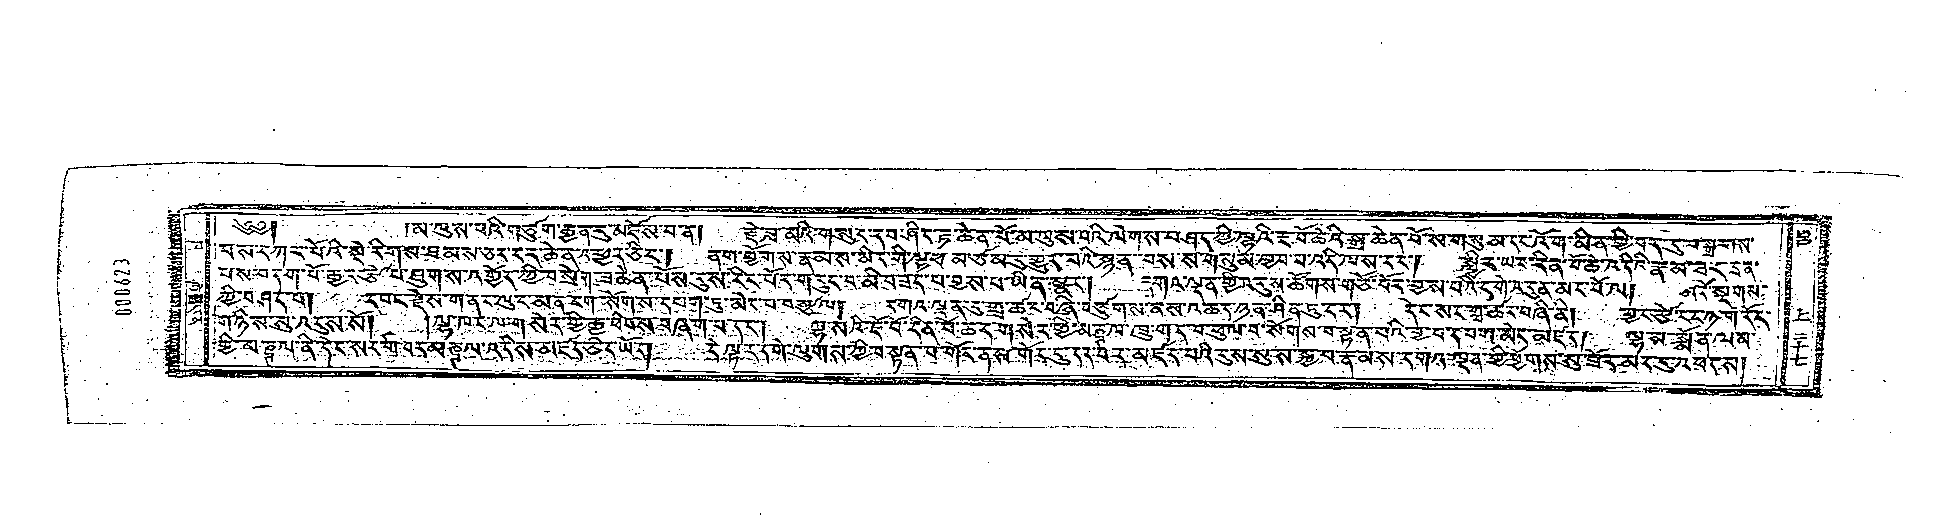༄༅། །མ་ལུས་པའི་གཙུག་རྒྱན་དུ་མཛེས་པ་ན། རྗེ་བླ་མའི་གསུང་རབ་ཤིང་རྟ་ཆེན་པོ་མ་ལུས་པའི་ལེགས་བཤད་ཀྱི་ལྷའི་རྔ་བོ་ཆེའི་སྒྲ་ཆེན་པོས་གསུམ་དང་འོག་མིན་གྱི་བར་དུ་བསྒྲགས་
པས་དཀར་པོའི་སྡེ་རིགས་ཐམས་ཅད་དར་ཆེན་འཕྱར་ཅིང་། ནག་ཕྱོགས་རྣམས་མིང་གི་ལྷག་མ་ཙམ་དུ་གྱུར་པའི་སྙན་བས་ས་གསུམ་ཁྱབ་པ་འདི་ལས་དང་། སྤྱིར་ཡང་རིན་པོ་ཆེ་འདིའི་རྣམ་ཐར་དྲན་
པས་བདག་པོ་རྒྱང་རྩེ་པ་ཐུགས་འགྱོད་ཀྱི་བསྲེག་ཟ་ཆེན་པོས་དུས་རིང་པོར་གདུང་བ་མི་བཟང་པ་བྱས་པ་ཡིན་སྣང་། དགའ་ལྡན་གྱི་འདུས་ཚོགས་གཙོ་བོར་བྱས་པའི་དགེ་འདུན་མང་པོ་ལ། མདོ་སྔགས་
ཀྱི་བཤད་པ། དབང་རྗེས་གནང་ལུང་མན་ངག་སོགས་དཔག་ཏུ་མེད་པ་བསྩལ། དགའ་ལྡན་དུ་གྲྭ་ཚང་བཞི་བཙུགས་ནས་འཆད་ཉན་ཤིན་ཏུ་དར། དེང་སང་གྲྭ་ཚང་བཞི་ནི། བྱང་རྩེ་དང་ཉག་རོད་
གཉིས་སུ་འདུས་སོ། །ལྷ་ཁང་ལ་གསེར་གྱི་རྒྱ་ཕེབས་བཞག་པ་དང་། ལྷ་སའི་ཇོ་བོ་རིན་པོ་ཆེར་གསེར་གྱི་མཎྜལ་ཁྲུ་གང་བ་ཕུལ་བ་སོགས་བསྟན་པའི་བྱ་བ་དཔག་མེད་མཛད། ལྷ་ས་སྨོན་ལམ་
གྱི་མཎྚལ་ནི་དེང་སང་གི་བར་མཎྚལ་འདིས་མཛད་ཅིང་ཡོད། དེ་ལྟར་དགེ་ལུགས་ཀྱི་བསྟན་པ་གོང་ནས་གོང་དུ་དར་བར་མཛད་པའི་དུས་སུ་ས་སྐྱ་པ་རྣམས་དགའ་ལྡན་གྱི་ཕྱག་སུ་ཟོར་མང་དུ་འཕངས།